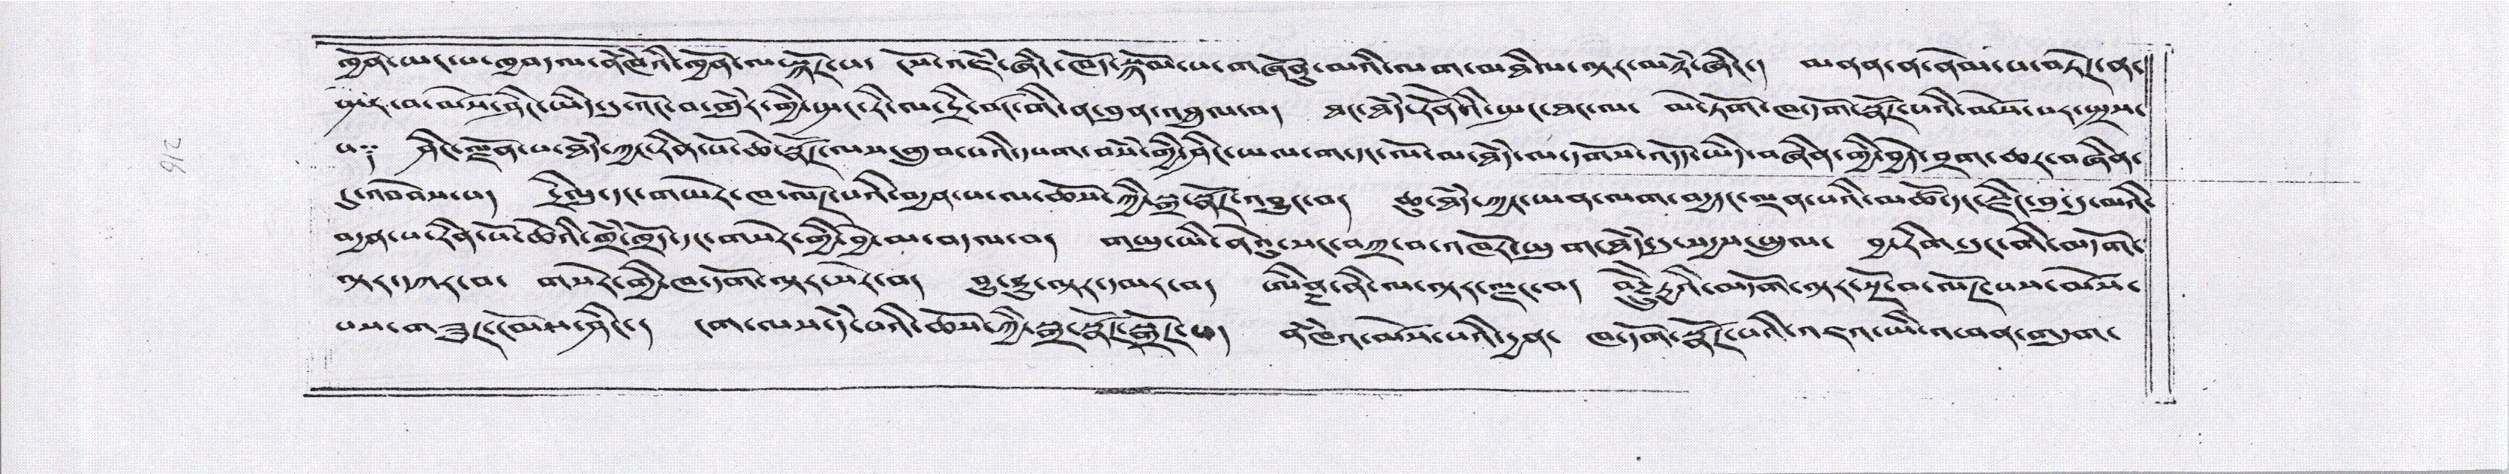ཁྱོན་ཡངས་པ་ཁྱབ་བདལ་ནམ་མཁའི་ཁྱོན་ལ་སྙེགས་པ། ངོས་འཇམ་ཞིང་ཁོད་སྙོམས་པ་གཞོན་ནུ་མའི་ལག་མཐིལ་ལྟར་མཉམ་པ། མནན་ན་ནེམ་ཞིང་། བཏེག་ན་
སྤར་བ། མཛེས་ཤིང་ཡིད་དུ་འོང་བ་གུར་གུམ་གྱི་སྤང་རི་ལ་དྲི་བཟང་གི་ན་བུན་འཐུལ་བ། ཐང་ཐམས་ཅད་རིན་པོ་ཆེའི་སྤང་ཐང་མེ་ཏོག་ཁ་དོག་སྣ་ཚོགས་པས་མཛེས་པར་སྤྲས་
པ། ཤིང་ལྗོན་པ་ཐམས་ཅད་ཀྱང་རིན་པོ་ཆེ་སྣ་ཚོགས་ལས་གྲུབ་པའི་དཔག་བསམ་གྱི་ཤིང་ཡལ་ག་དང་ལོ་མ་ཐམས་ཅད་ལ་དགོས་འདོད་ཡིད་བཞིན་གྱི་བྱེ་བྲག་ཆར་བཞིན་
དུ་འབེབས་པ། དྲིལ་བུ་དང་གཡེར་ཁ་ལ་སོགས་པས་བརྒྱན་པ་ལ་ཆོས་ཀྱི་སྒྲ་སྣ་ཚོགས་འབྱུང་བ། ཆུ་ཐམས་ཅད་ཀྱང་ཡན་ལག་བརྒྱད་དང་ལྡན་པའི་མཚོ་དང་རྫིང་བུ་དུ་མའི་
བརྒྱན་པ། རིན་པོ་ཆེའི་གྲམ་ཁྲོད་དང་གསེར་གྱི་བྱེ་མ་བདལ་བ། གཡུ་ཡི་ནེའུ་སེང་བཀྲ་བ་ཁོར་ཡུག་ཐམས་ཅད་དུ་སངས་རྒྱས་ཀྱིས་སྤྲུལ་༼པའི་༽། བྱ་རིགས་དུང་གི་མདོག་
ལྟར་དཀར་བ། གསེར་གྱི་ཁ་དོག་ལྟར་སེར་བ། བྱུ་རུའི་ལྟར་དམར་བ། ཨིནྜཱ་ནཱི་ལ་ལྟར་ལྗང་བ། བཱེཌཱུརྱའི་མདོག་ལྟར་སྔོ་བ་ལ་སོགས་པའི་མཛེས་
པས་གཟུགས་ངོམས་ཤིང་། ངག་ནས་དམ་པའི་ཆོས་སྒྲ་སྣ་ཚོགས་སྒྲོགས་པ། ནམ་མཁའ་མཛེས་པའི་རྒྱན་ཁ་དོག་སྣ་ཚོགས་པའི་འཇའ་ཡི་འཕན་གདུགས་